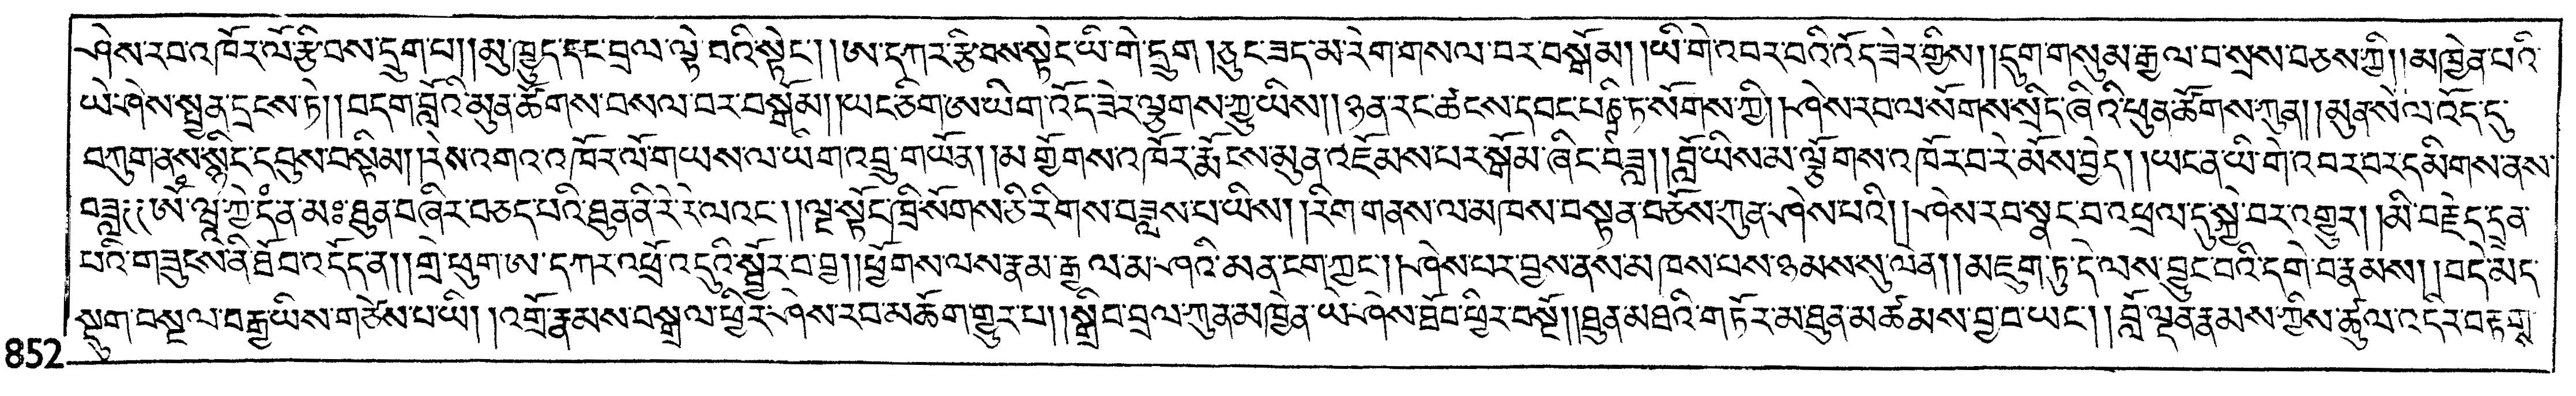ཤེས་རབ་འཁོར་ལོ་རྩིབས་དྲུག་པ། །མུ་ཁྱུད་དང་བྲལ་ལྟེ་བའི་སྟེང་། །ཨ་དཀར་རྩིབས་སྟེང་ཡི་གེ་དྲུག །ཅུང་ཟད་མ་རེག་གསལ་བར་བསྒོམ། །ཡི་གེ་འབར་བའི་འོད་ཟེར་གྱིས། །དུག་གསུམ་རྒྱལ་བ་སྲས་བཅས་ཀྱི། །མཁྱེན་པའི་
ཡེ་ཤེས་སྤྱན་དྲངས་ཏེ། །བདག་བློའི་མུན་ཚོགས་བསལ་བར་བསྒོམ། །ཡང་ཅིག་ཨ་ཡིག་འོད་ཟེར་ལྕགས་ཀྱུ་ཡིས། །ཉན་རང་ཚངས་དབང་པཎྜི་ཏ་སོགས་ཀྱི། །ཤེས་རབ་ལ་སོགས་སྲིད་ཞིའི་ཕུན་ཚོགས་ཀུན། །མུན་སེལ་འོད་དུ་
བཀུག་ནས་སྙིང་དབུས་བསྟིམ། །རེས་འགའ་འཁོར་ལོ་གཡས་ལ་ཡིག་འབྲུ་གཡོན། །མགྱོགས་འཁོར་རྨོངས་མུན་འཇོམས་པར་སྒོམ་ཞིང་བཟླ། །བློ་ཡིས་མ་ལྕོགས་འཁོར་བ་རེ་མོས་བྱེད། །ཡང་ན་ཡི་གེ་འབར་བར་དམིགས་ནས་
བཟླ། །ཨོཾ་ཝཱ་ཀྱེ་དཾ་ན་མཿ ཐུན་བཞིར་བཅད་པའི་ཐུན་ནི་རེ་རེ་ལའང་། །ལྔ་སྟོང་ཁྲི་སོགས་ཅི་རིགས་བཟླས་པ་ཡིས། །རིག་གནས་ལ་མཁས་བསྟན་བཅོས་ཀུན་ཤེས་པའི། །ཤེས་རབ་སྣང་བ་འཕྲལ་དུ་སྐྱེ་བར་འགྱུར། །མི་བརྗེད་དྲན་
པའི་གཟུངས་ནི་ཐོབ་འདོད་ན། །གྲེ་ཕུག་ཨ་དཀར་འཕྲོ་འདུའི་སྦྱོར་བ་བྱ། །ཕྱོགས་ལས་རྣམ་རྒྱལ་མ་ཤའི་མན་ངག་ཀྱང་། །ཤེས་པར་བྱས་ནས་མཁས་པས་ཉམས་སུ་ལེན། །མཇུག་ཏུ་དེ་ལས་བྱུང་བའི་དགེ་བ་རྣམས། །བདེ་མེད་
སྡུག་བསྔལ་བརྒྱ་ཡིས་གཙེས་པ་ཡི། །འགྲོ་རྣམས་བསྒྲལ་ཕྱིར་ཤེས་རབ་མཆོག་གྱུར་པ། །སྒྲིབ་བྲལ་ཀུན་མཁྱེན་ཡེ་ཤེས་ཐོབ་ཕྱིར་བསྔོ། །ཐུན་མཐའི་གཏོར་མཐུན་མཚམས་བྱ་བ་ཡང་། །བློ་ལྡན་རྣམས་ཀྱིས་ཚུལ་འདིར་བརྟགས་